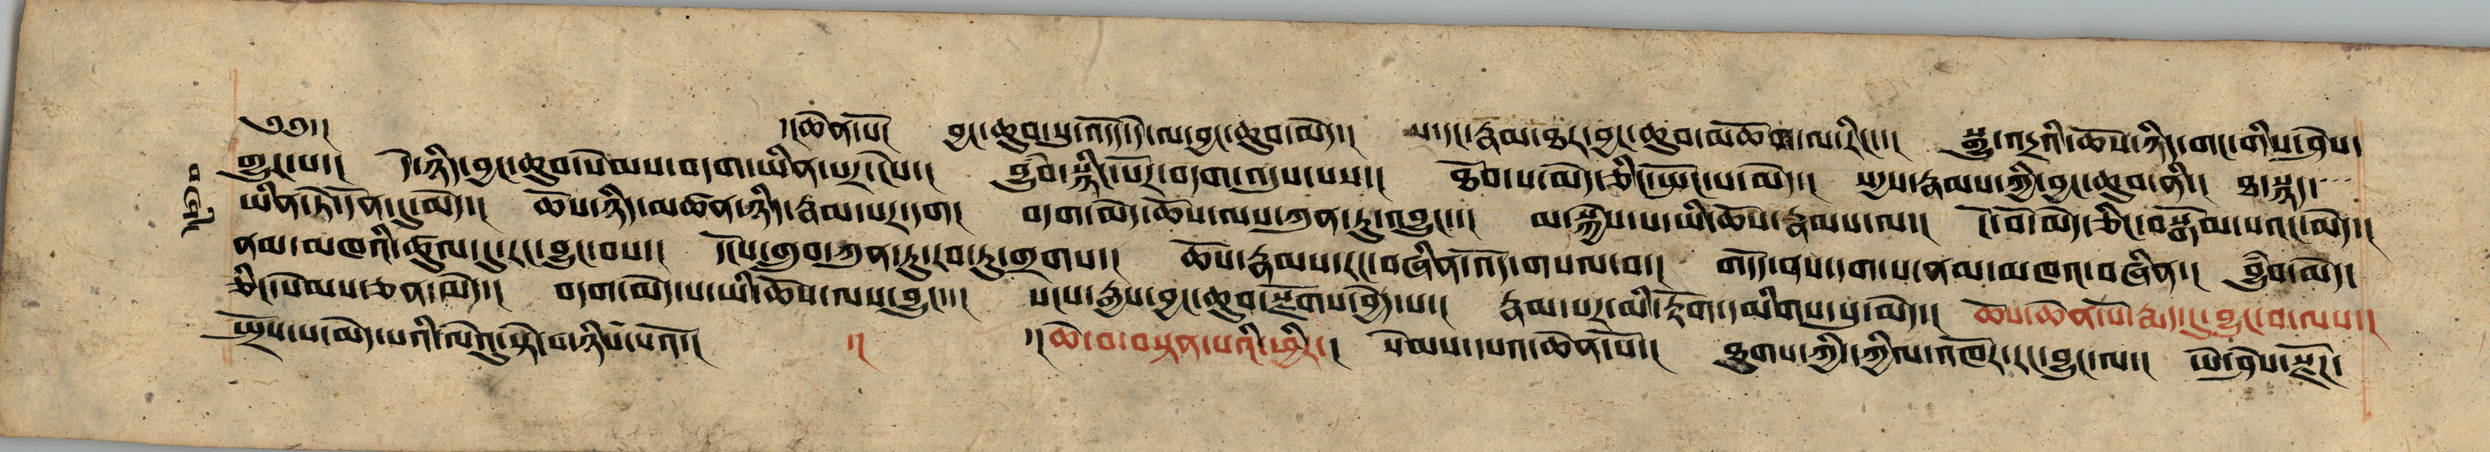༄༅་། ་།ཆེན་པོ། བྱང་ཆུབ་སུ་འདོད་དེ་ལ་བྱང་ཆུབ་མེད་། ས་དང་རྣམ་ཐར་བྱང་ཆུབ་མཆོག་ལ་རིང་། སྒྱུ་འད྄འི་ཆོས་ཉིད་གང་གིས་ཤེས་
གྱུར་པ་། དེ་ཉིད་བྱང་ཅུབ་སེམས་བདག་ཡིན་པར་ངེས་། བྱུཾབ་སྙིང་པར་བདག་འདུས་པས་། ཐོབ་པ་མེད་ཅིང་སྤོང་པ་མེད་། སདྱས་རྣམས་ཀྱི་བྱང་ཆུབ་ནི་། ཐ་སྙད་
ཡིན་ཏེ་དོན་དུ་མེད་། ཆོས་ཉིད་མཚན་ཉིད་རྣམ་པར་དག། བདག་མེད་ཆོས་ལས་ཀུན་ཏུ་འབྱུང་་། མ་སྐྱེས་པ་ཡི་ཆོས་རྣམས་ལ་། ངོ་བོ་མེད་ཅིང་བསྒོམ་པའང་མེད་།
ནམ་མཁའི་ཚུལ་དུ་རང་བྱུང་པས་། དངོས་གྲུབ་ཀུན་ཏུ་རབ་ཏུ་གྲགས་། ཆོས་རྣམས་རང་བཞིན་འོད་གསལ་བ་། གདོད་ནས་དག་པ་ནམ་མཁའ་བཞིན་། བྱུཾབ་མེད་
ཅིང་སེམས་ཅན་མེད་། བདག་མེད་པ་ཡི་ཆོས་ལས་བྱུང་། སངས་རྒྱས་བྱང་ཆུབ་སྫོགས་བྱེད་པ་། རྣམ་པར་མི་རྟོག་དམིགས་སུ་མེད་། ཆོས་ཆེན་པོ་རྨད་དུ་བྱུང་བ་ལས་།
སྤྲོས་པ་མེད་པའི་ལེའུ་སྟེ་གཉིས་པའོ་། ་། ་།ཆེ་བ་བསྟན་པའི་ཕྱིར་། སེམས་དཔའ་ཆེན་པོ་། ཐུགས་ཀྱི་དཀྱིལ་འཁོར་རང་བྱུང་ལ་། ཡེ་ཤེས་སྫོཌ་